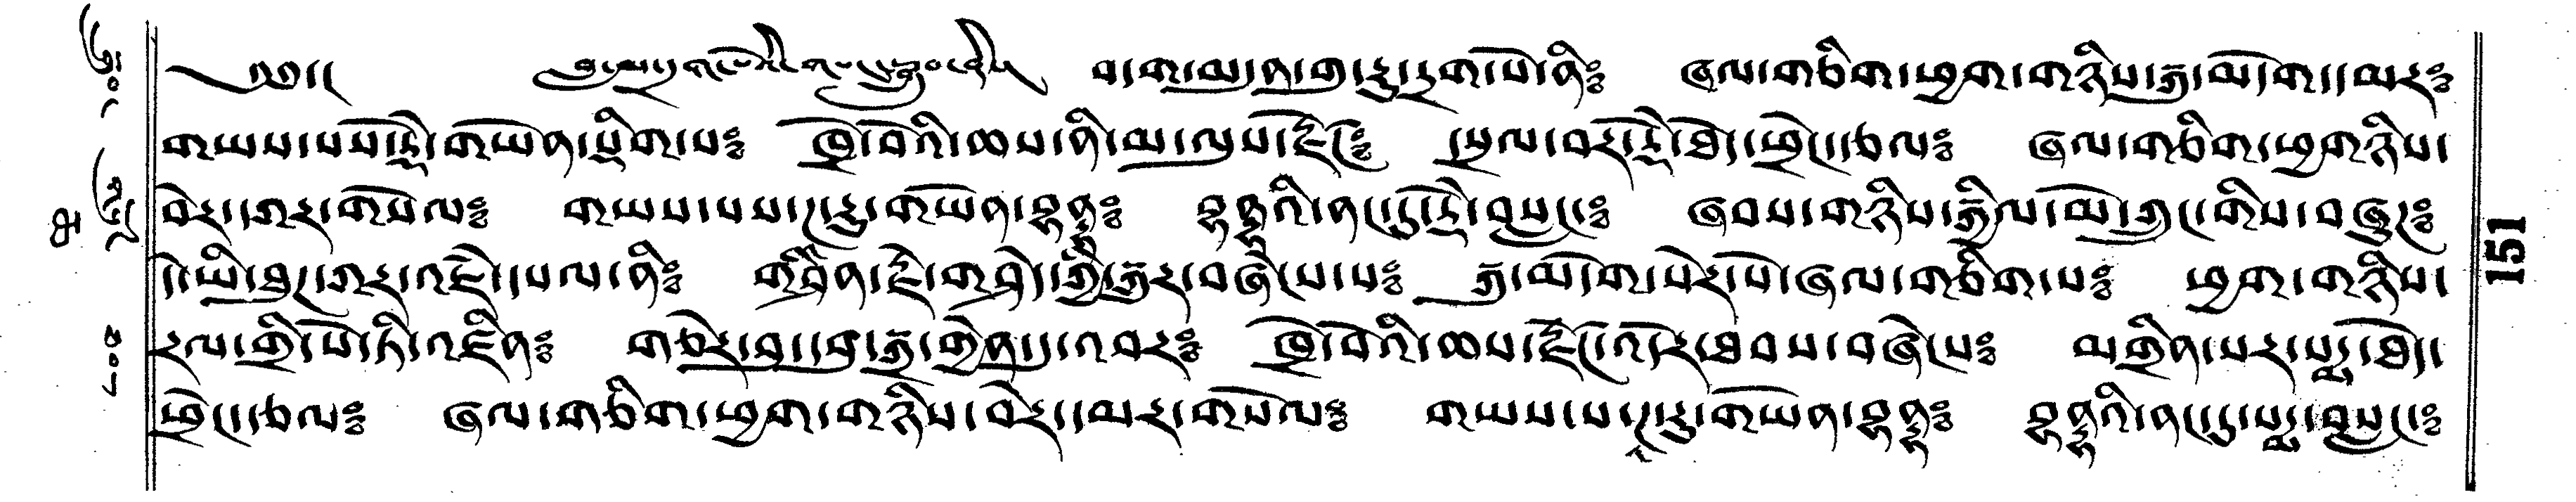བླ་མ་དྲག་པོའི་གསང་སྒྲུབ་ནི། བདག་མདུན་གུ་རུ་དྲག་པོ་ནི༔ ཞལ་གཅིག་ཕྱག་གཉིས་སྐུ་མདོག་དམར༔ 
གཡས་པས་རྡོ་རྗེ་གཡོན་སྡིག་པ༔ ཁྲོ་བོའི་ཆས་ནི་མ་ལུས་རྫོགས༔ དཔྲལ་བར་རྡོ་རྗེ་ཐོད་ཕྲེང་རྩལ༔ཞལ་གཅིག་ཕྱག་གཉིས་
བེར་དཀར་གསོལ༔ གཡས་པས་ཌཱ་རུ་གཡོན་བྷནྡྷ༔ བྷནྡྷའི་ནང་དུ་རྡོ་རྗེ་བསླང༔ ཞབས་གཉིས་སྐྱིལ་མོ་ཀྲུང་གིས་བཞུགས༔ 
དེ་ཡི་ཐུགས་ཀར་འཇམ་དཔལ་ནི༔ གཤིན་རྗེ་གཤེད་ཀྱི་སྐུར་བཞེངས་པ༔ སྐུ་མདོག་སེར་པོ་ཞལ་གཅིག་པ༔ ཕྱག་གཉིས་
རལ་གྲི་པོ་ཏི་འཛིན༔ གཅེར་བུ་དབུ་སྐྲ་གྱེན་དུ་འབར༔ ཁྲོ་བོའི་ཆས་རྫོགས་དོར་སྟབས་བཞེངས༔ མགྲིན་པར་པདྨ་ཐོད་
ཕྲེང་རྩལ༔ ཞལ་གཅིག་ཕྱག་གཉིས་བེར་དམར་གསོལ༔ གཡས་པ་ཌཱ་རུ་གཡོན་བྷནྡྷ༔ བྷནྡྷའི་ནང་དུ་པདྨ་བསླང༔